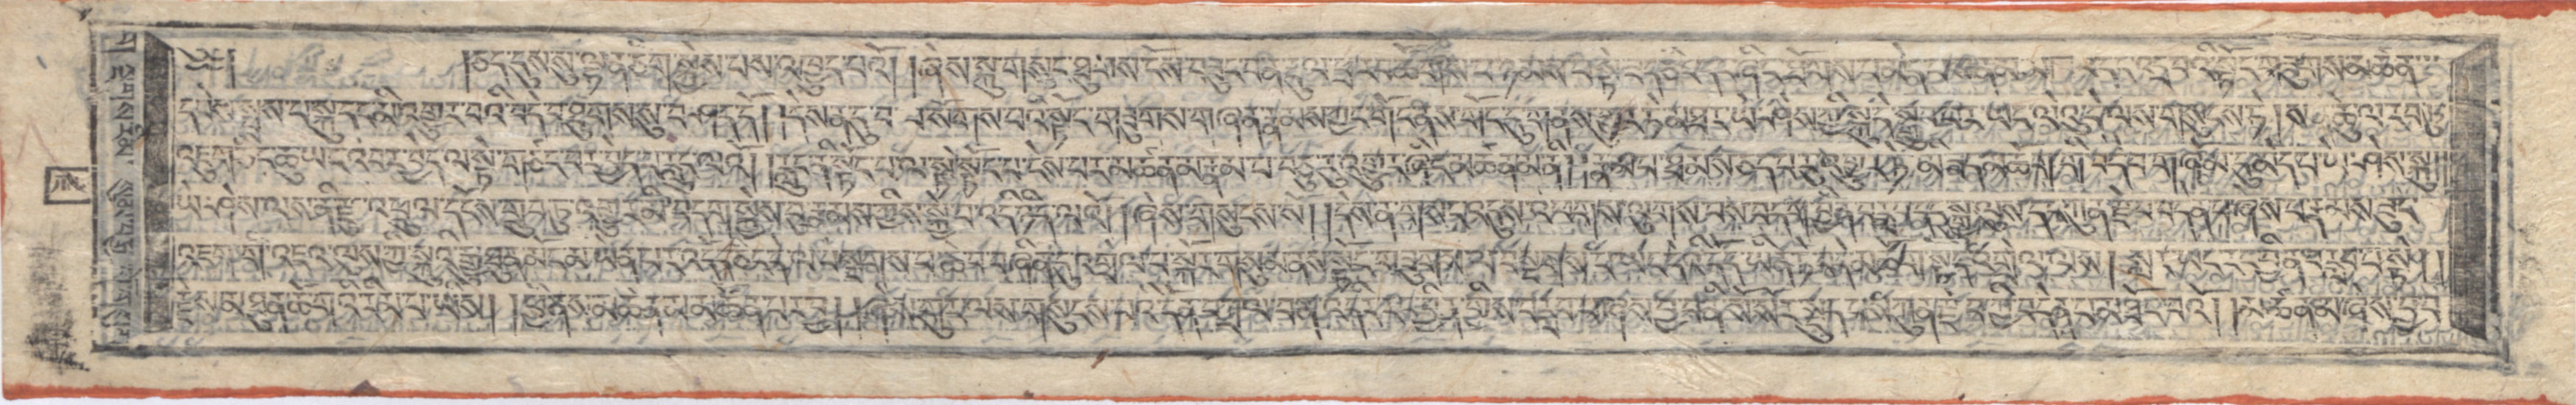༄༅། །ཅད་དུས་སུ་ལྷན་ཅིག་སྐྱེས་པས་འཁྱུད་པའོ། །ཞེས་སྐུ་གསུང་ཐུགས་ངོས་བཟུང་བ་ན་རྡུལ་ཕྲ་རབ་ཚོགས་པ་ཉམས་པ་སྟེ་ཟད་ཅིང་དང་ཞིང་ཐོགས་པ་མེད་པས་ནམ་མཁའ་དང་འདྲ་བའི་སྟོང་གཟུགས་མཚན་
དཔེས་སྤྲས་པ་སྐུ་དང་མི་འགྱུར་བའི་བདེ་བ་ཐུགས་སུ་བཤད་དོ། །དེས་ན་དུ་བ་ལ་སོགས་པའི་སྟོང་གཟུགས་གཞན་རྣམས་ཀྱང་གོང་ནས་གོང་དུ་གནས་གྱུར་ཏེ་མཐར་ཡེ་ཤེས་ཀྱི་སྐུ་དེ་སྒྲུབ་པར་ཡང་ལེའུ་དེ་ལས་གསུངས་ཏེ། ས་ནི་ཆུ་ལ་རབ་ཏུ་
འཇུག་ཅིང་ཆུ་ཡང་འབར་བྱེད་ལ་སྟེ་གཙང་བར་བྱེད་པ་རླུང་ལའོ། །རླུང་ནི་སྟོང་པ་ལ་སྟེ་སྟོང་པ་ངེས་པར་མཚན་མ་རྣམ་པ་བཅུ་རུ་འགྱུར་ཞིང་མཚན་མ་ནི། །རྣམ་པ་ཐམས་ཅད་པ་རུ་འགྱུར་ཏེ་མི་ཟད་མཆོག་གི་བདེ་བ་གཞོམ་དུ་མེད་པ་ཡེ་ཤེས་སྐུ། །
ཡེ་ཤེས་ལས་ནི་རྫུ་འཕྲུལ་དངོས་གྲུབ་ཏུ་འགྱུར་མི་བདག་སྐྱེས་བུ་རྣམས་ཀྱིས་སྐྱེ་བ་འདི་ཉིད་ལའོ། །ཞེས་གསུངས་སོ། །དེས་ན་གསང་འདུས་འཕགས་ལུགས་པས་བདག་བྱིན་བརླབ་དང་སྒྱུ་ལུས་དང་ཀུན་རྫོབ་བདེན་པ་ཞེས་པ་རྣམས་ཟུང་
འཇུག་གི་འཇའ་ལུས་ཀྱི་སྐུའི་རྒྱུ་ཐུན་མོང་མ་ཡིན་པར་འདོད་ཅིང་དེ་ལ་བསྔགས་པ་ཆེ་བ་བཞིན་དུ་འགྲེལ་པ་སྐོར་གསུམ་ནས་སྟོང་གཟུགས་ལ་བསྔགས་པ་ཡང་དེའི་དོད་ཡིན་ཏེ་བདེ་མཆོག་སྟོད་འགྲེལ་ལས། སླར་ཡང་རང་བྱིན་བརླབ་པ་སྟེ། །
རྗེས་མཐུན་ཆོ་གའི་རིམ་པ་ཡིས། །ཕྱི་ནས་མཚན་མ་མཚོན་པར་བྱ། །ཞེས་གུར་ལས་གསུངས་པའི་དོན་བཀྲལ་བ་ན་འདིར་རང་བྱིན་གྱིས་བརླབ་པ་ཞེས་བྱ་བ་ནི་སོ་སོར་སྡུད་པས་ཀུན་རྫོབ་ཀྱི་བདེན་པ་མཐོང་བའོ། །མཚན་མ་ཞེས་བྱ་བ་